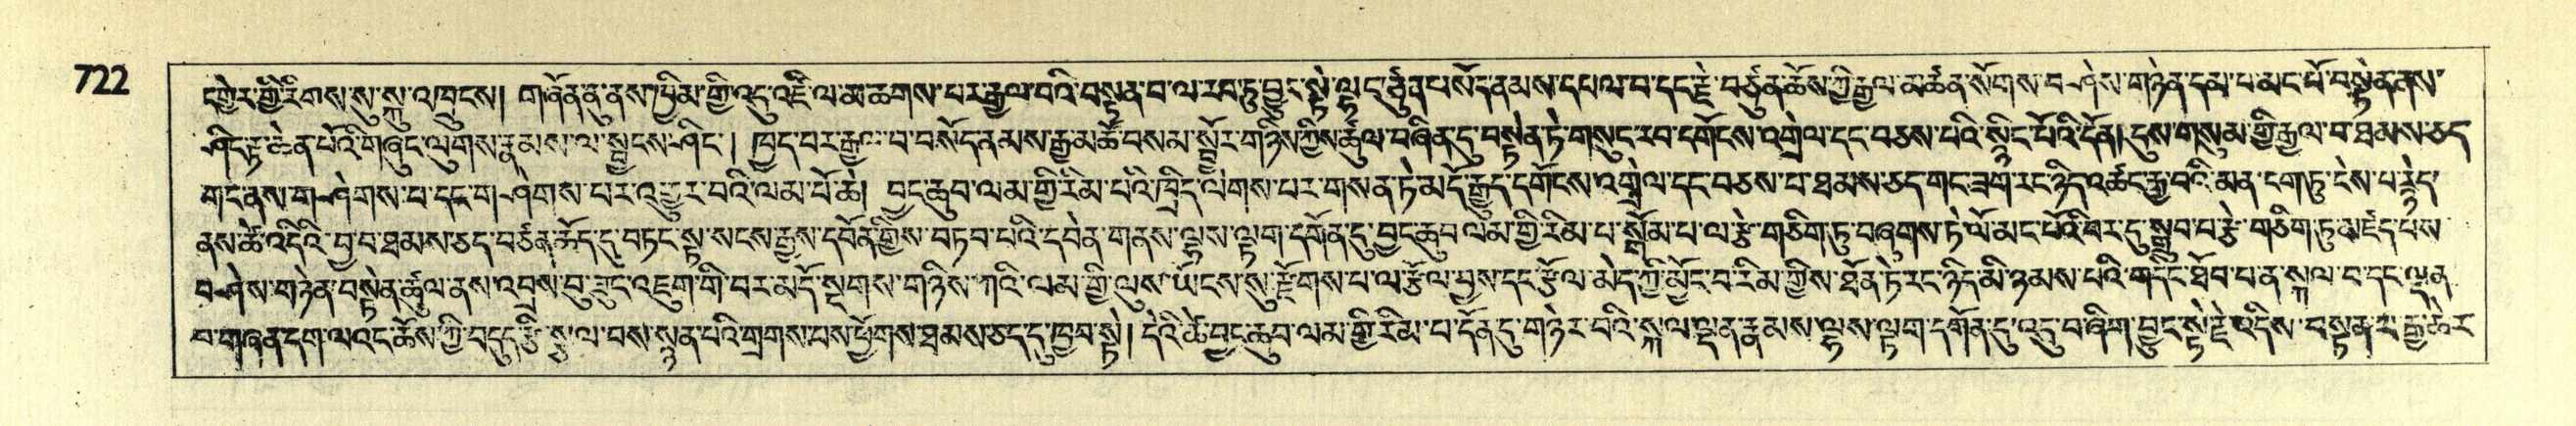དགྱེར་གྱི་རིགས་སུ་སྐུ་འཁྲུངས། གཞོན་ནུ་ནས་ཁྱིམ་གྱི་འདུ་འཛིན་ལ་མ་ཆགས་པར་རྒྱལ་བའི་བསྟན་པ་ལ་རབ་ཏུ་བྱུང་སྟེ་ལྷང་ཙུན་བསོད་ནམས་དཔལ་བ་དང་རྗེ་བཙུན་ཆོས་ཀྱི་རྒྱལ་མཚན་སོགས་བཤེས་གཉེན་དམ་པ་མང་པོ་བསྟེན་ནས་
ཤིང་རྟ་ཆེན་པོའི་གཞུང་ལུགས་རྣམས་ལ་སྦྱངས་ཤིང་། ཁྱད་པར་རྒྱལ་བ་བསོད་ནམས་རྒྱ་མཚོ་བསམ་སྦྱོར་གཉིས་ཀྱིས་ཚུལ་བཞིན་དུ་བསྟེན་ཏེ་གསུང་རབ་དགོངས་འགྲེལ་དང་བཅས་པའི་སྙིང་པོའི་དོན། དུས་གསུམ་གྱི་རྒྱལ་བ་ཐམས་ཅད་
གང་ནས་གཤེགས་པ་དང་གཤེགས་པར་འགྱུར་བའི་ལམ་པོ་ཆེ། བྱང་ཆུབ་ལམ་གྱི་རིམ་པའི་ཁྲིད་ལེགས་པར་གསན་ཏེ་མདོ་རྒྱུད་དགོངས་འགྲེལ་དང་བཅས་པ་ཐམས་ཅད་གང་ཟག་རང་ཉིད་འཚང་རྒྱ་བའི་མན་ངག་ཏུ་ངེས་པ་རྙེད་
ནས་ཚེ་འདིའི་བྱ་བ་ཐམས་ཅད་བཙན་ཆོད་དུ་བཏང་སྟ་སངས་རྒྱས་དབོན་གྱིས་བཏབ་པའི་དབེན་གནས་ལྷས་ལྟག་དགོན་དུ་བྱང་ཆུབ་ལམ་གྱི་རིམ་པ་སྒོམ་པ་ལ་རྩེ་གཅིག་ཏུ་བཞུགས་ཏེ་ལོ་མང་པོའི་བར་དུ་སྒྲུབ་པ་རྩེ་གཅིག་ཏུ་མཛད་པས་
བཤེས་གཉེན་བསྟེན་ཚུལ་ནས་འབྲས་བུ་ཟུང་འཇུག་གི་བར་མདོ་སྔགས་གཉིས་ཀའི་ལམ་གྱི་ལུས་ཡོངས་སུ་རྫོགས་པ་ལ་རྩོལ་བྱས་དང་རྩོལ་མེད་ཀྱི་མྱོང་བ་རིམ་གྱིས་ཐོན་ཏེ་རང་ཉིད་མི་ཉམས་པའི་གདང་ཐོབ་པ་ན་སྐལ་བ་དང་ལྡན་
པ་གཞན་དག་ལའང་ཆོས་ཀྱི་བདུད་རྩི་སྩལ་བས་སྙན་པའི་གྲགས་པས་ཕྱོགས་ཐམས་ཅད་དུ་ཁྱབ་སྟེ། དེའི་ཚེ་བྱང་ཆུབ་ལམ་གྱི་རིམ་པ་དོན་དུ་གཉེར་བའི་སྐལ་ལྡན་རྣམས་ལྷས་ལྟག་དགོན་དུ་འདུ་བ་ཞིག་བྱུང་སྟེ་རྗེ་འདིས་བསྟན་པ་རྒྱ་ཆེར་